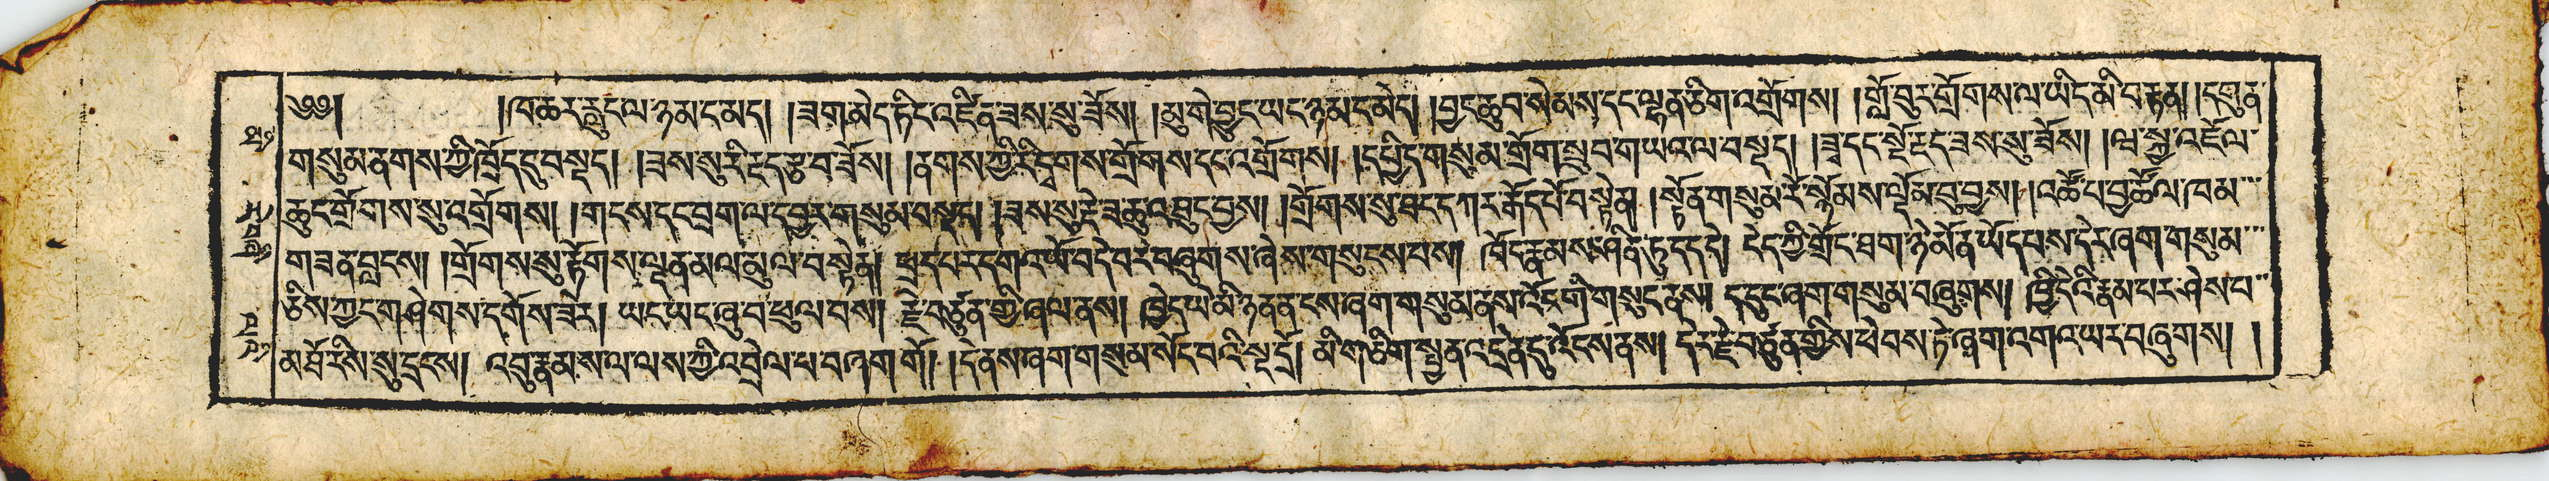ཁ་ཆར་རླུང་ལ་ཉམ་ང་མེད། །ཟག་མེད་ཏིང་འཛིན་ཟས་སུ་ཟོས། །མུ་གེ་བྱུང་ཡང་ཉམ་ང་མེད། །བྱང་ཆུབ་སེམས་དང་ལྷན་ཅིག་འགྲོགས། །གློ་བུར་གྲོགས་ལ་ཡིད་མི་བརྟན། །དགུན་
གསུམ་ནགས་ཀྱི་ཁྲོད་དུ་བསྡད། །ཟས་སུ་རི་རྔད་རྩ་བ་ཟོས། །ནགས་ཀྱི་རི་དྭགས་གྲོགས་དང་འགྲོགས། །དཔྱིད་གསུམ་གྲོག་སྲུབ་གཡའ་ལ་བསྡད། །ཟྭ་དང་སྔོ་རྔད་ཟས་སུ་ཐོས། །ཝ་སྐྱ་འཇོལ་
ཆུང་གྲོགས་སུ་འགྲོགས། །གངས་དང་བྲག་ལ་དབྱར་གསུམ་བསྡད། །ཟས་སུ་རྡོ་ཟ་ཆུ་འཐུང་བྱས། །གྲོགས་སུ་ཐང་དཀར་རྒོད་པོ་བསྟེན། །སྟོན་གསུམ་རོ་སྙོམས་ལྡོམ་བུ་བྱས། །འཚོ་བ་བྱ་ཚོལ་ཁམ་
གཟན་བླངས། །གྲོགས་སུ་རྟོགས་ལྡན་མལ་མུལ་བསྟེན། ཕྲད་པར་དགའ་ལོ་བདེ་བར་བཞུགས། །ཞེས་གསུངས་པས། ཁོང་རྣམས་ཤིན་ཏུ་དད་དེ། ངེད་ཀྱི་གྲོང་ཐག་ཉེ་མོ་ན་ཡོད་པས་དེར་ཞག་གསུམ་་
ཅིས་ཀྱང་གཤེགས་དགོས་ཟེར། ཡང་ཡང་ཞུ་བ་ཕུལ་བས། རྗེ་བཙུན་གྱི་ཞལ་ནས། ཁྱེད་ཡེ་མི་ཉན་ན་ངས་ཞག་གསུམ་ནས་འོང་གི་གསུང་ནས། ད་དུང་ཞག་གསུམ་བཞུགས། ཁྱི་དེའི་རྣམ་པར་ཤེས་པ་
མཐོ་རིས་སུ་དྲངས། འབུ་རྣམས་ལ་ལས་ཀྱི་འབྲེལ་བ་བཞག་གོ། །དེནས་ཞག་གསུམ་སོང་བའི་སྡ་དྲོ། མི་གཅིག་སྤྱན་འདྲེན་དུ་འོངས་ནས། དེར་རྗེ་བཙུན་གྱིས་ཕེབས་ཏེ་ཞག་འགའ་ཡར་བཞུགས།